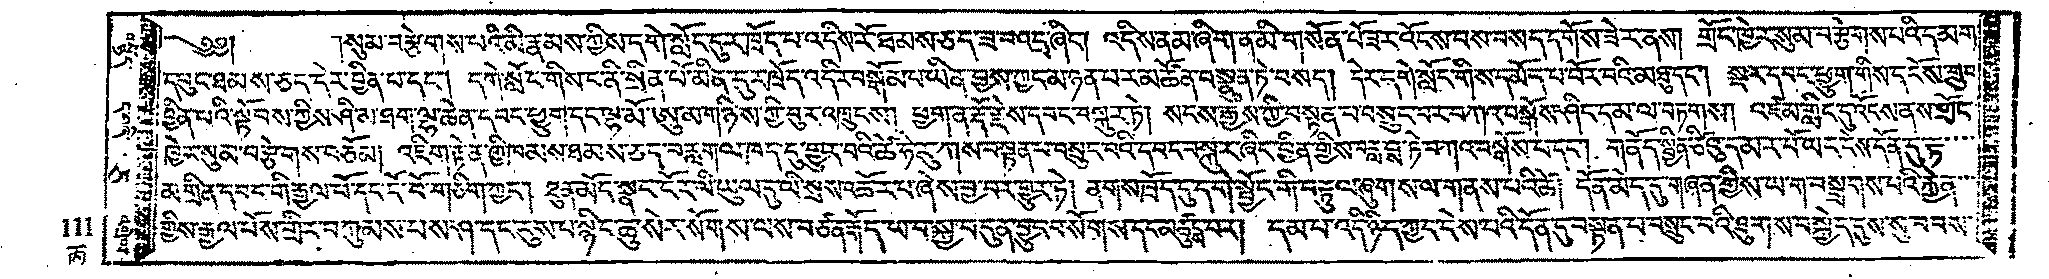༄༅། །སུམ་བརྩེགས་པའི་མི་རྣམས་ཀྱིས་དགེ་སློང་དུར་ཁྲོད་པ་འདིས་རོ་ཐམས་ཅད་ཟ་བ་འདྲ་ཞིང་། འདིས་ནམ་ཞིག་ན་མི་གསོན་པོ་ཟར་འོངས་བས་བསད་དགོས་ཟེར་ནས། གྲོང་ཁྱེར་སུམ་བརྩེགས་པའི་དམག་
དཔུང་ཐམས་ཅད་དེར་བྱིན་པ་དང་། དགེ་སློང་གིས་ང་ནི་སྲིན་པོ་མིན་དུར་ཁྲོད་འདིར་བསྒོམ་པ་ཡིན་བྱས་ཀྱང་མ་ཉན་པར་མཚོན་བསྣུན་ཏེ་བསད། དེར་དགེ་སློང་གིས་དམོད་པ་བོར་བའི་མཐུ་དང་། སྔར་དབང་ཕྱུག་གིས་དངོས་གྲུབ་
བྱིན་པའི་སྟོབས་ཀྱིས་ཤི་མ་ཐག་ལྷ་ཆེན་དབང་ཕྱུག་དང་ལྷ་མོ་ཨུ་མ་གཉིས་ཀྱི་བུར་འཁྲུངས། ཕྱག་ན་རྡོ་རྗེས་དབང་བསྐུར་ཏེ། སངས་རྒྱས་ཀྱི་བསྟན་པ་བསྲུང་བར་བཀའ་བསྒོས་ཤིང་དམ་ལ་བཏགས། འཛམ་གླིང་དུ་འོངས་ནས་གྲོང་
ཁྱེར་སུམ་བརྩེགས་བཅོམ། འཇིག་རྟེན་གྱི་ཁམས་ཐམས་ཅད་བརླག་ལ་ཁད་དུ་གྱུར་བའི་ཚེ་ཧེ་རུ་ཀས་བསྟན་པ་བསྲུང་བའི་དབང་བསྐུར་ཞིང་བྱིན་གྱིས་བརླབས་ཏེ་བཀའ་བསྒོས་པ་དང་། གནོད་སྦྱིན་ཙིའུ་དམར་པོ་ཡང་ངེས་དོན་དུ་རྟ་
མགྲིན་དབང་གི་རྒྱལ་པོ་དང་ངོ་བོ་གཅིག་ཀྱང་། ཐུན་མོང་སྣང་ངོར་ལི་ཡུལ་དུ་ལི་སྲས་འཆོར་པ་ཞེས་བྱ་བར་གྱུར་ཏེ། ནགས་ཁྲོད་དུ་དགེ་སྦྱོང་གི་བརྟུལ་ཞུགས་ལ་གནས་པའི་ཚེ། དོན་མེད་དུ་གཞན་གྱིས་ཡ་ག་བསྒྲགས་པའི་རྐྱེན་
གྱིས་རྒྱལ་པོས་གྲིར་བཀུམས་པས་ཤ་དང་རུས་པ་སྙིང་ཆུ་སེར་སོགས་ལས་བཙན་རྒོད་ཡ་བ་སྐྱ་བདུན་བྱུང་བ་སོགས་དང་མཚུངས་པར། དམ་པ་འདི་ཉིད་ཀྱང་ངེས་པའི་དོན་དུ་བསྟན་པ་བསྲུང་བའི་ཐུགས་བསྐྱེད་དུས་སུ་བབས་